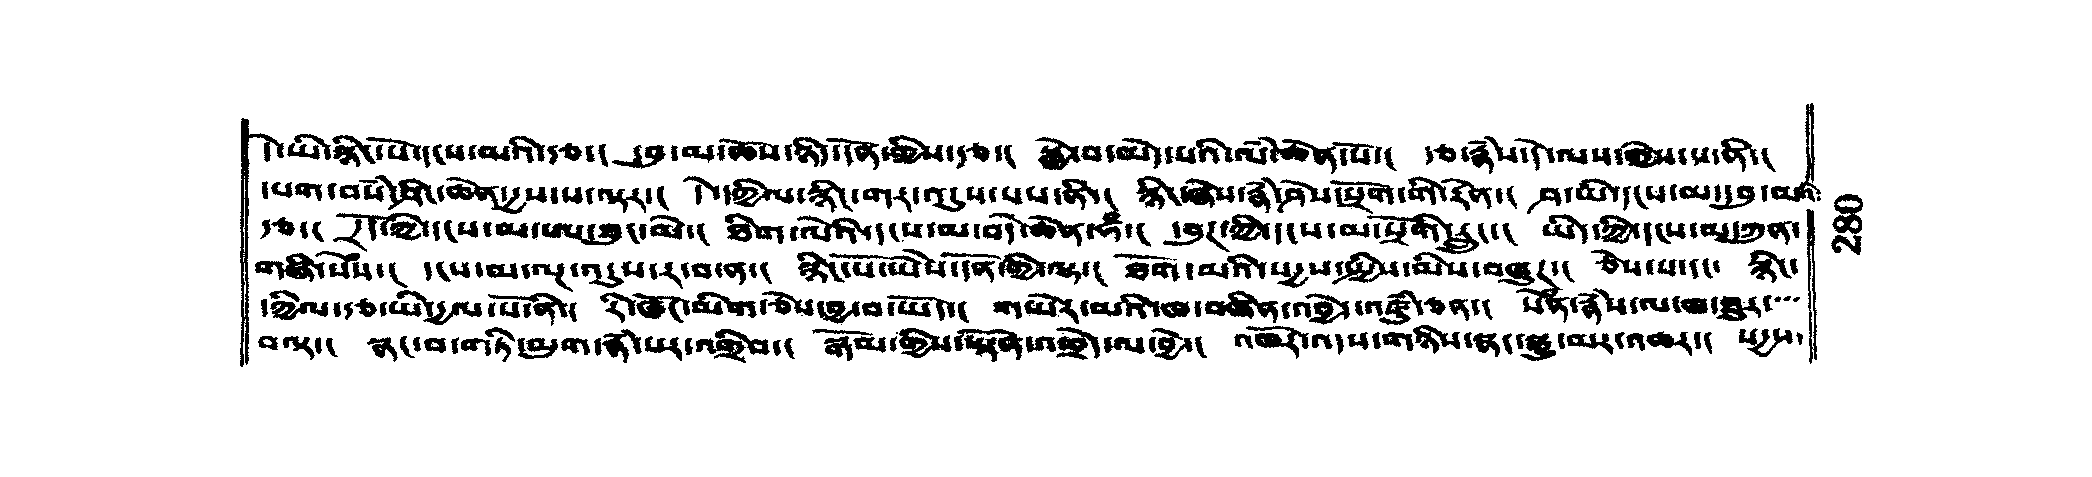།དེ་ཡི་སྙིང་པོ་དྭངས་མའི་རྩ། །དབུ་མ་ཆོས་ཉིད་དོན་གྱི་རྩ། །སྐྱེ་བ་མེད་པའི་ལམ་ཆེན་པོ། །རྩ་རྣམས་དེ་ལས་གྱེས་པ་ནི། །
དཔག་བསམ་ཤིང་ཆེན་རྒྱས་པ་ལྟར། །དེ་དཀྱིལ་སྙིང་གར་འདུས་པས་ནི། །སྙིང་ཞེས་རྣམ་ཤེས་སྲོག་གི་རྟེན། །ཤ་ཡི་དྭངས་མ་དབུ་མའི་
རྩ། །དྲོད་ཀྱི་དྭངས་མ་ཨ་ཐུང་མེ། །ཐིག་ལེའི་དྭངས་མ་བདེ་ཆེན་ཧཾ། །དབུགས་ཀྱི་དྭངས་མ་སྲོག་གི་རླུང་། །ཡིད་ཀྱི་དྭངས་མ་ཀུན་
གཞི་སེམས། །དྭངས་མ་ལྔ་འདུས་ར་བ་ན། །སྙིང་པོ་ཡེ་ཤེས་དོན་གྱི་ལྷ། །ཐོག་མའི་སངས་རྒྱས་སྤྱི་མེས་བཞུགས། ཅེས་པ་དང་། སྙིང་
དཀྱིལ་རྩ་ཡི་རྒྱལ་པོ་ནི། རི་བོང་མིག་ཅེས་བྱ་བ་ཡོད། །གཡེར་མའི་ཁ་བཞིན་འབྱེད་འཛུམ་ཅན། །སེམས་ཅན་རྣམས་ལ་ཁ་ཐུར་
བལྟ། །སྣང་བ་གཏི་མུག་རྣམ་པར་འགྲིབ། །སྒོམ་གྱིས་ཡོན་ཏན་གྲོད་ལ་བྱེ། །འཁོར་འདས་གཉིས་སྣང་སྒྱུ་མར་འཆར། །སངས་རྒྱས་